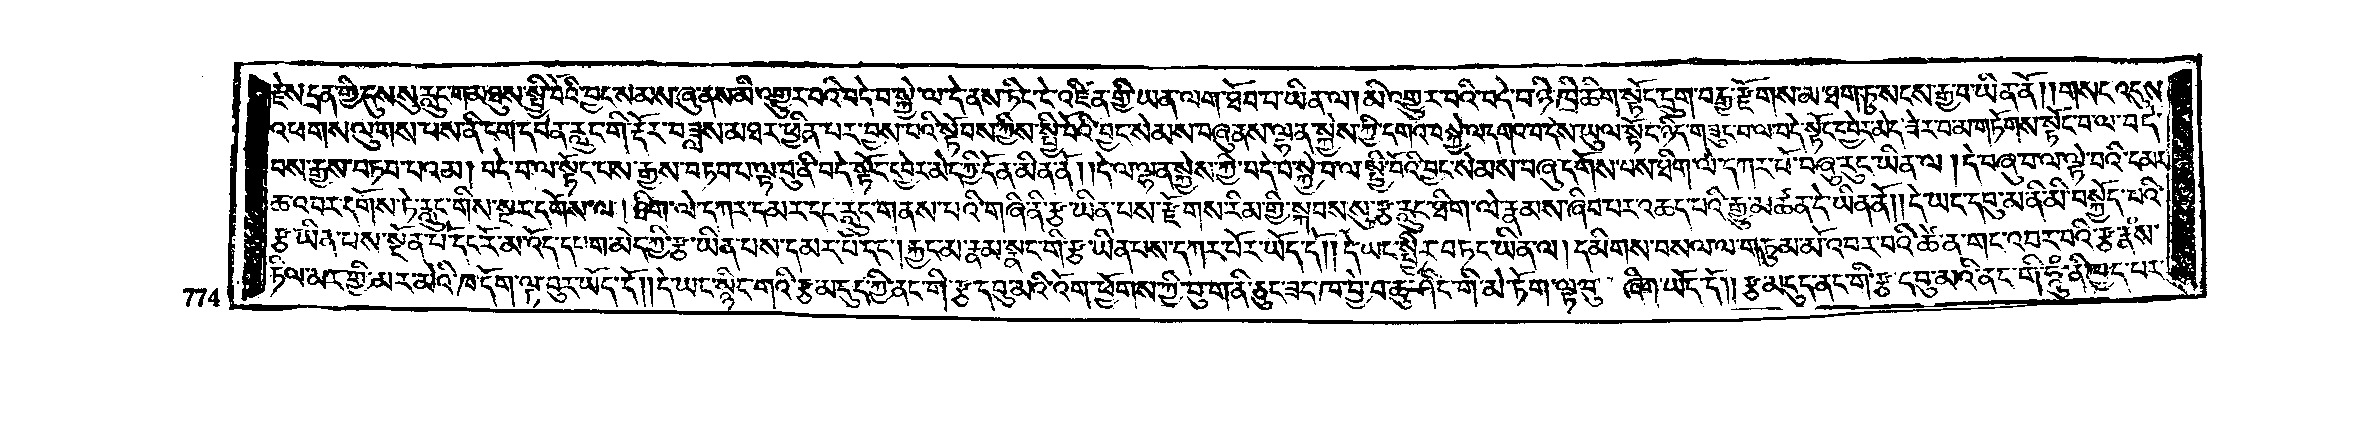རྗེས་དྲན་གྱི་དུས་སུ་རླུང་ག་མཐུས་སྤྱི་བོའི་བྱང་སེམས་ཞུ་ནས་མི་འགྱུར་བའི་བདེ་བ་སྐྱེ་ལ་དེ་ནས་ཏིང་ངེ་འཛིན་གྱི་ཡན་ལག་ཐོབ་པ་ཡིན་ལ། མི་འགྱུར་བའི་བདེ་བ་ཉི་ཁྲི་ཆིག་སྟོང་དྲུག་བརྒྱ་རྫོགས་མ་ཐག་ཏུ་སངས་རྒྱ་བ་ཡིན་ནོ། །གསང་འདུས་
འཕགས་ལུགས་པས་ནི་ངག་དབེན་རླུང་གི་རྡོར་བཟླས་མཐར་ཕྱིན་པར་བྱས་པའི་སྟོབས་ཀྱིས་སྤྱི་བོའི་བྱང་སེམས་བཞུ་ནས་ལྷན་སྐྱེས་ཀྱི་དགའ་བ་སྐྱེ་ལ་དགའ་བ་དེས་ཡུལ་སྟོང་ཉིད་གཟུང་བ་ལ་བདེ་སྟོང་དབྱེར་མེད་ཟེར་བ་མ་གཏོགས་སྟོང་པ་ལ་བདེ་
བས་རྒྱས་བཏབ་པའམ། བདེ་བ་ལ་སྟོང་པས་རྒྱས་བཏབ་པ་ལྟ་བུ་ནི་བདེ་སྟོང་དབྱེར་མེད་ཀྱི་དོན་མིན་ནོ། །དེ་ལ་ལྷན་སྐྱེས་ཀྱི་བདེ་བ་སྐྱེ་བ་ལ་སྤྱི་བོའི་བྱང་སེམས་བཞུ་དགོས་པས་ཐིག་ལེ་དཀར་པོ་བཞུ་རུང་ཡིན་ལ། དེ་བཞུ་བ་ལ་ལྟེ་བའི་དམར་
ཆ་འབར་དགོས་ཏེ་རླུང་གིས་སྔར་དགོས་ལ། ཐིག་ལེ་དཀར་དམར་དང་རླུང་གནས་པའི་གཞི་ནི་རྩ་ཡིན་པས་རྫོགས་རིམ་གྱི་སྐབས་སུ་རྩ་རླུང་ཐིག་ལེ་རྣམས་ཞིབ་པར་འཆད་པའི་རྒྱུ་མཚན་དེ་ཡིན་ནོ། །དེ་ཡང་དབུ་མ་ནི་མི་བསྐྱོད་པའི་
རྩ་ཡིན་པས་སྔོན་པོ་དང་རོ་མ་འོད་དཔག་མེད་ཀྱི་རྩ་ཡིན་པས་དམར་པོ་དང་། རྐྱང་མ་རྣམ་སྣང་གི་རྩ་ཡིན་པས་དཀར་པོར་ཡོད་དོ། །དེ་ཡང་སྤྱིར་བཏང་ཡིན་ལ། དམིགས་བསལ་ལ་གཏུམ་མོ་འབར་བའི་ཚེ་ན་གང་འབར་བའི་རྩ་རྣམས་
ཏིལ་མར་གྱི་མར་མེའི་ཁ་དོག་ལྟ་བུར་ཡོད་དོ། །དེ་ཡང་སྙིང་གའི་རྩ་མདུད་ཀྱི་ནང་གི་རྩ་དབུ་མའི་འོག་ཕྱོགས་ཀྱི་བུ་ག་ནི་ཅུང་ཟད་ཁ་བྱེ་བ་ཆུ་ཤིང་གི་མེ་ཏོག་ལྟ་བུ་ཞིག་ཡོད་དོ། །རྩ་མདུད་ནང་གི་རྩ་དབུ་མའི་ནང་གི་ཧཱུཾ་ནི་ཁྱད་པར་